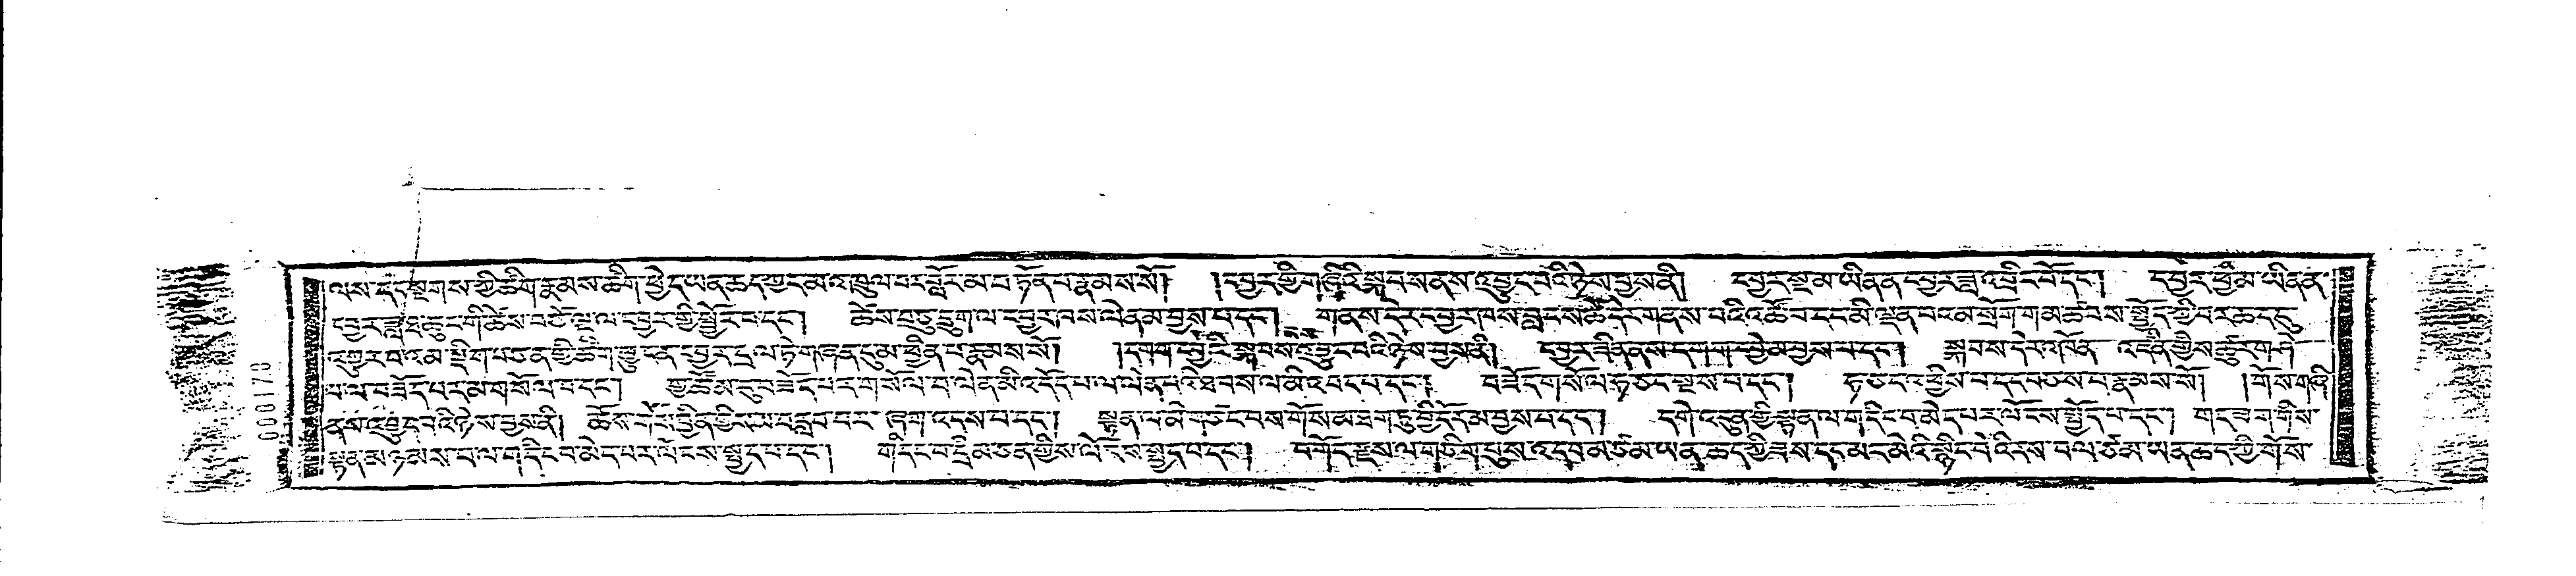ལས་དང་སྔགས་ཀྱི་ཚིག་རྣམས་ཚིག་ཕྱེད་ཡན་ཆད་ཀྱང་མ་འཁྲུལ་བར་བློར་མ་བཏོན་པ་རྣམས་སོ། །དབྱར་གྱི་གཞིའི་སྐབས་ནས་འབྱུང་བའི་ཉེས་བྱས་ནི། དབྱར་སྔ་མ་ཡིན་ན་དབྱར་ཟླ་འབྲིང་པོ་དང་། དབྱེར་ཕྱི་མ་ཡིན་ན་
དབྱར་ཟླ་ཐ་ཆུང་གི་ཚེས་བཅོ་ལྔ་ལ་དབྱར་གྱི་སྦྱོར་བ་དང་། ཚེས་བཅུ་དྲུག་ལ་དབྱར་ཁས་ལེན་མ་བྱས་པ་དང་། གནས་དེར་དབྱར་ཁས་བླངས་ཚེ་དེར་གནས་པའི་འཚོ་བ་དང་མི་ལྡན་པའམ་སྲོག་གམ་ཚབས་སྤྱོད་ཀྱི་བར་ཆད་དུ་
འགྱུར་བའམ་སྡིག་པ་ཅན་གྱི་ཚིག་ཕྱུང་ན་དབྱར་དྲལ་ཏེ་གཞན་དུ་མ་ཕྱིན་པ་རྣམས་སོ། །དགག་དབྱེའི་སྐབས་འབྱུང་བའི་ཉེས་བྱས་ནི། དབྱར་ཟིན་ནས་དགག་དབྱེ་མ་བྱས་པ་དང་། སྐབས་དེར་འཁོན་འཛིན་གྱིས་ཚུར་གཤེ་
པ་ལ་བཟོད་པར་མ་གསོལ་བ་དང་། གྱ་ཚོམ་དུ་བཟོད་པར་གསོལ་བ་ལེན་མི་འདོད་པ་ལ་ལེན་པའི་ཐབས་ལ་མི་འབད་པ་དང་། བཟོད་གསོལ་ཧ་ཅང་སྔས་པ་དང་། ཧ་ཅང་འཕྱིས་པ་དང་བཅས་པ་རྣམས་སོ། །གོས་གཞི་
ནས་འབྱུང་བའི་ཉེས་བྱས་ནི། ཆོས་གོས་བྱིན་གྱིས་མ་བརླབ་པར་ཞག་འདས་པ་དང་། སྟན་ལ་མི་གཙང་བས་གོས་མ་ཐག་ཏུ་བྱི་དོར་མ་བྱས་པ་དང་། དགེ་འདུན་གྱི་སྟན་ལ་གདིང་བ་མེད་པར་ལོངས་སྤྱོད་པ་དང་། གང་ཟག་གིས་
སྟན་མཉམས་པ་ལ་གདིང་བ་མེད་པར་ལོངས་སྤྱད་པ་དང་། གདིང་བ་དྲི་མ་ཅན་གྱིས་ལོངས་སྤྱད་པ་དང་། བགོད་རྫས་ལ་གཅིག་པུས་འདབ་མ་ཙམ་ཡན་ཆད་ཀྱི་ཟས་དང་མར་མེའི་སྙིང་པོའི་རས་བལ་ཙམ་ཡན་ཆད་ཀྱི་གོས་